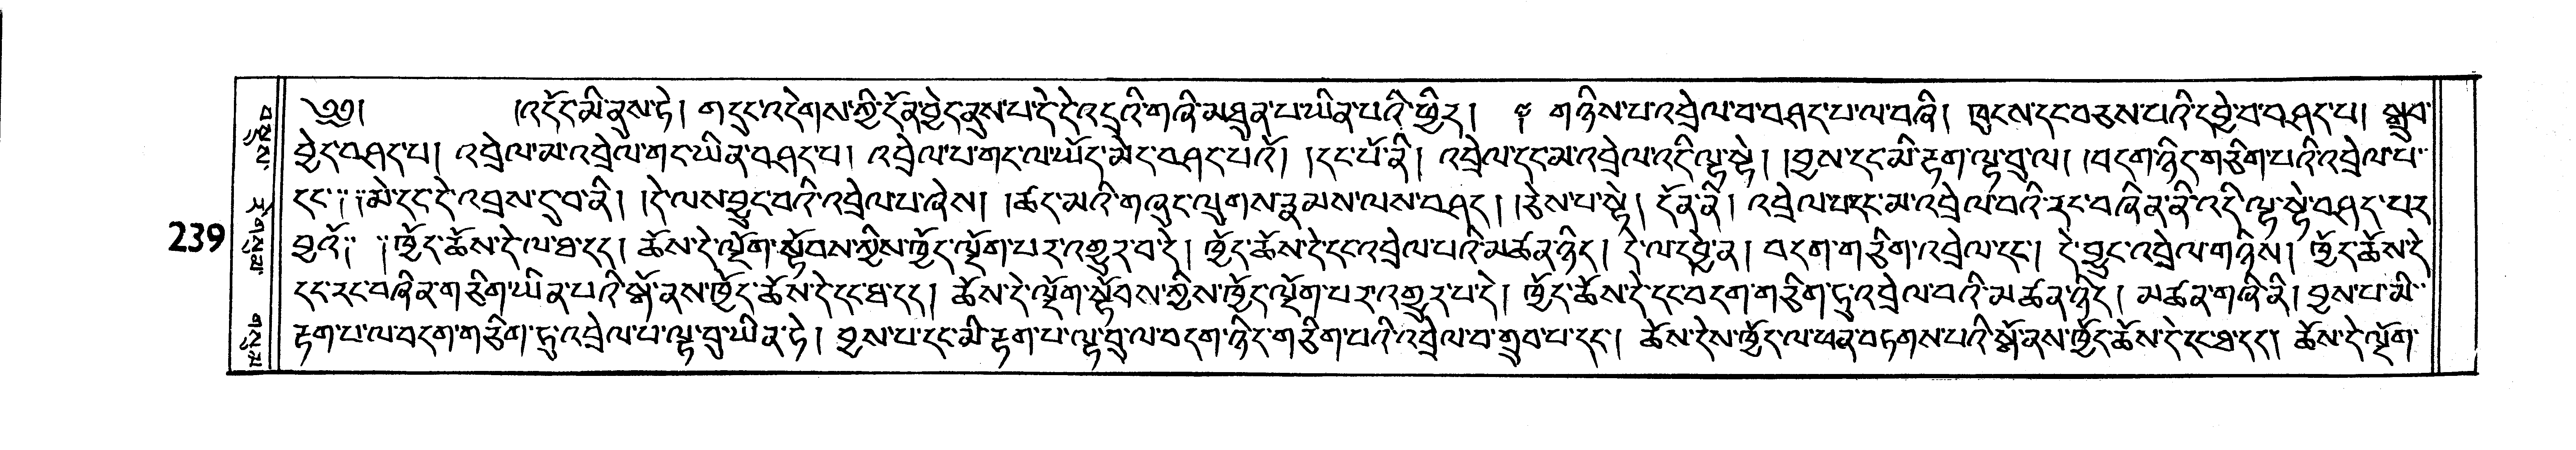༄༅། །འདོད་མི་ནུས་ཏེ། གདུང་འདེགས་ཀྱི་དོན་བྱེད་ནུས་པ་དེ་དེ་འདྲའི་གཞི་མཐུན་པ་ཡིན་པའི་ཕྱིར། ༈ གཉིས་པ་འབྲེལ་བ་བཤད་པ་ལ་བཞི། ཁུངས་དང་བཅས་པའི་དབྱེ་བ་བཤད་པ། སྒྲུབ་
བྱེད་བཤད་པ། འབྲེལ་མ་འབྲེལ་གང་ཡིན་བཤད་པ། འབྲེལ་པ་གང་ལ་ཡོད་མེད་བཤད་པའོ། །དང་པོ་ནི། འབྲེལ་དང་མ་འབྲེལ་འདི་ལྟ་སྟེ། །བྱས་དང་མི་རྟག་ལྟ་བུ་ལ། །བདག་ཉིད་གཅིག་པའི་འབྲེལ་པ་
དང༑ ༑མེ་དང་དེ་འབྲས་དུ་བ་ནི། །དེ་ལས་བྱུང་བའི་འབྲེལ་པ་ཞེས། །ཚད་མའི་གཞུང་ལུགས་རྣམས་ལས་བཤད། །ཅེས་པ་སྟེ། དོན་ནི། འབྲེལ་པ་དང་མ་འབྲེལ་བའི་རང་བཞིན་ནི་འདི་ལྟ་སྟེ་བཤད་པར་
བྱའོ༑ ༑ཁྱོད་ཆོས་དེ་ལ་ཐ་དད། ཆོས་དེ་ལྡོག་སྟོབས་ཀྱིས་ཁྱོད་ལྡོག་པར་འགྱུར་བ་དེ། ཁྱོད་ཆོས་དེ་དང་འབྲེལ་པའི་མཚན་ཉིད། དེ་ལ་དབྱེ་ན། བདག་གཅིག་འབྲེལ་དང་། དེ་བྱུང་འབྲེལ་གཉིས། ཁྱོད་ཆོས་དེ་
དང་རང་བཞིན་གཅིག་ཡིན་པའི་སྒོ་ནས་ཁྱོད་ཆོས་དེ་དང་ཐ་དད། ཆོས་དེ་ལྡོག་སྟོབས་ཀྱིས་ཁྱོད་ལྡོག་པར་འགྱུར་པ་དེ། ཁྱོད་ཆོས་དེ་དང་བདག་གཅིག་ཏུ་འབྲེལ་པའི་མཚན་ཉིད། མཚན་གཞི་ནི། བྱས་པ་མི་
རྟག་པ་ལ་བདག་གཅིག་ཏུ་འབྲེལ་པ་ལྟ་བུ་ཡིན་ཏེ། བྱས་པ་དང་མི་རྟག་པ་ལྟ་བུ་ལ་བདག་ཉིད་གཅིག་པའི་འབྲེལ་བ་གྲུབ་པ་དང་། ཆོས་དེས་ཁྱོད་ལ་ཕན་བཏགས་པའི་སྒོ་ནས་ཁྱོད་ཆོས་དེ་དང་ཐ་དད། ཆོས་དེ་ལྡོག་